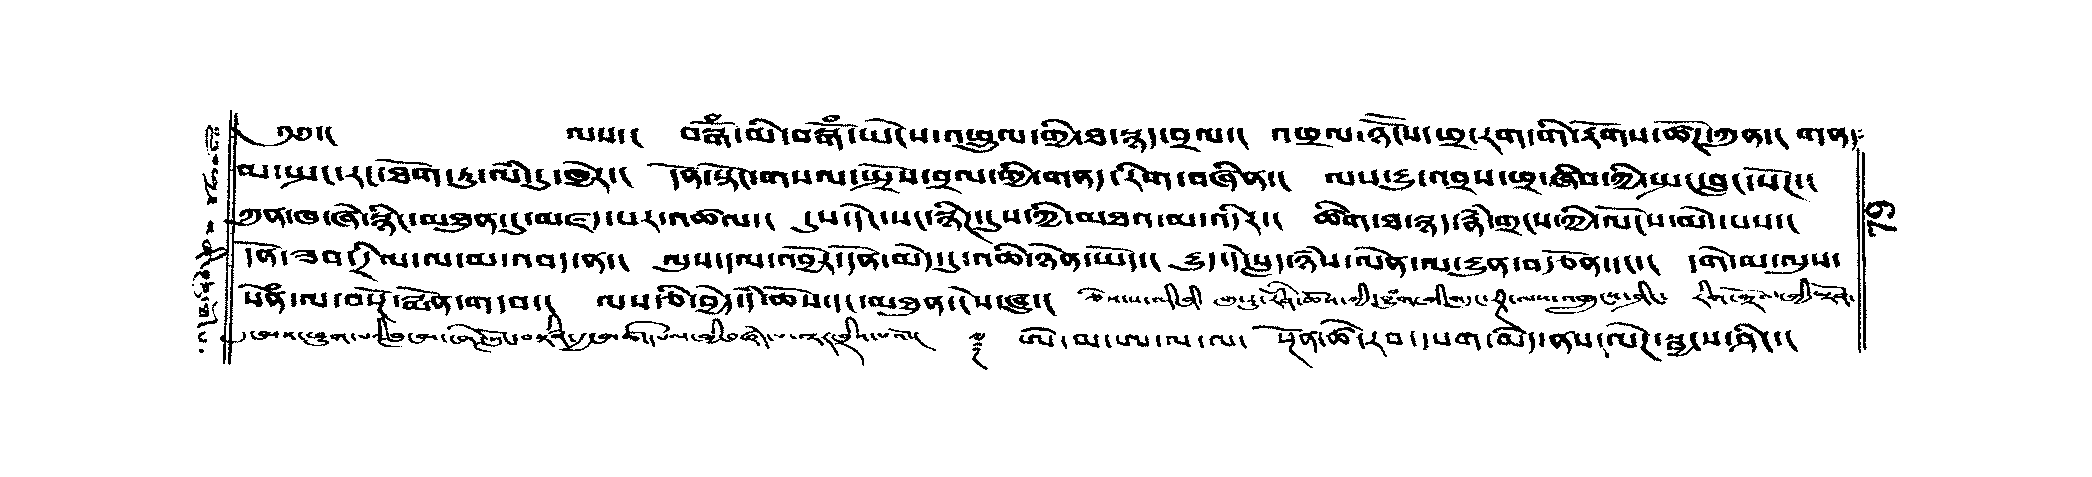ལས། །བསྒོམ་མི་བསྒོམ་ཡེངས་འཁྲུལ་གྱི་ཐ་སྙད་བྲལ། །འཕྲལ་ཉོན་མོངས་ཕྲ་རག་གི་རྟོགས་ཚོགས་ཀུན། །གནད་
མ་སྤངས་རང་ཐོག་ཏུ་ལམ་དུ་ཁྱེར། །དོན་སྟོང་གསལ་སྤྲོས་བྲལ་གྱི་གནད་རིག་བཞིན། །ལས་རྒྱུ་འབྲས་ཕྲ་ཞིབ་ཀྱི་སྤང་བླང་སོགས། །
ཀུན་ཁ་ཞེ་སྙིང་མཐུན་དུ་མཛད་པར་འཚལ། །དུས་དེང་སང་སྙིགས་དུས་ཀྱི་མཐའ་མ་འདིར། །ཚིག་ཐ་སྙད་རྣམ་གྲངས་ཀྱི་ལོང་མེད་པས། །
དོན་ཟབ་མོ་དྲིལ་ལ་མ་འབད་ན། །ལུས་དལ་འབྱོར་དོན་མེད་དུ་འཆི་ཉེན་ཡོད། །རྒྱུད་དེ་སླད་ཉམས་ལེན་ལ་རྒྱུན་བརྩོན་དང་། །དགེ་མ་ལུས་
སེམས་ཅན་ལ་བསྔོ་སྨོན་གདབ། །ལས་ཅི་བྱེད་དམ་ཆོས་དང་མཐུན་ངེས་ཞུ། །ཞེས་པ་འདི་ནི་གུ་རུ་རིན་པོ་ཆེ་ཆོས་ཀྱི་དབང་ཕྱུག་གི་གདུང་རིགས་ལས་འཁྲུངས་ཤིང་། རིག་གྲོལ་གྱི་ཡོན་ཏན་
དུ་མས་ཕྱུག་པའི་བླ་མ་དགེ་སློང་བསྟན་འཛིན་རྒྱ་མཚོ་དཔལ་གྱི་བཞེད་པ་ལྟར་བྲིས་པའོ།། ༈ ཨེ་མ་ཨ་ལ་ལ། སྔོན་ཚེ་རབས་དཔག་མེད་ནས་ལེགས་སྦྱངས་ཤིང་། །